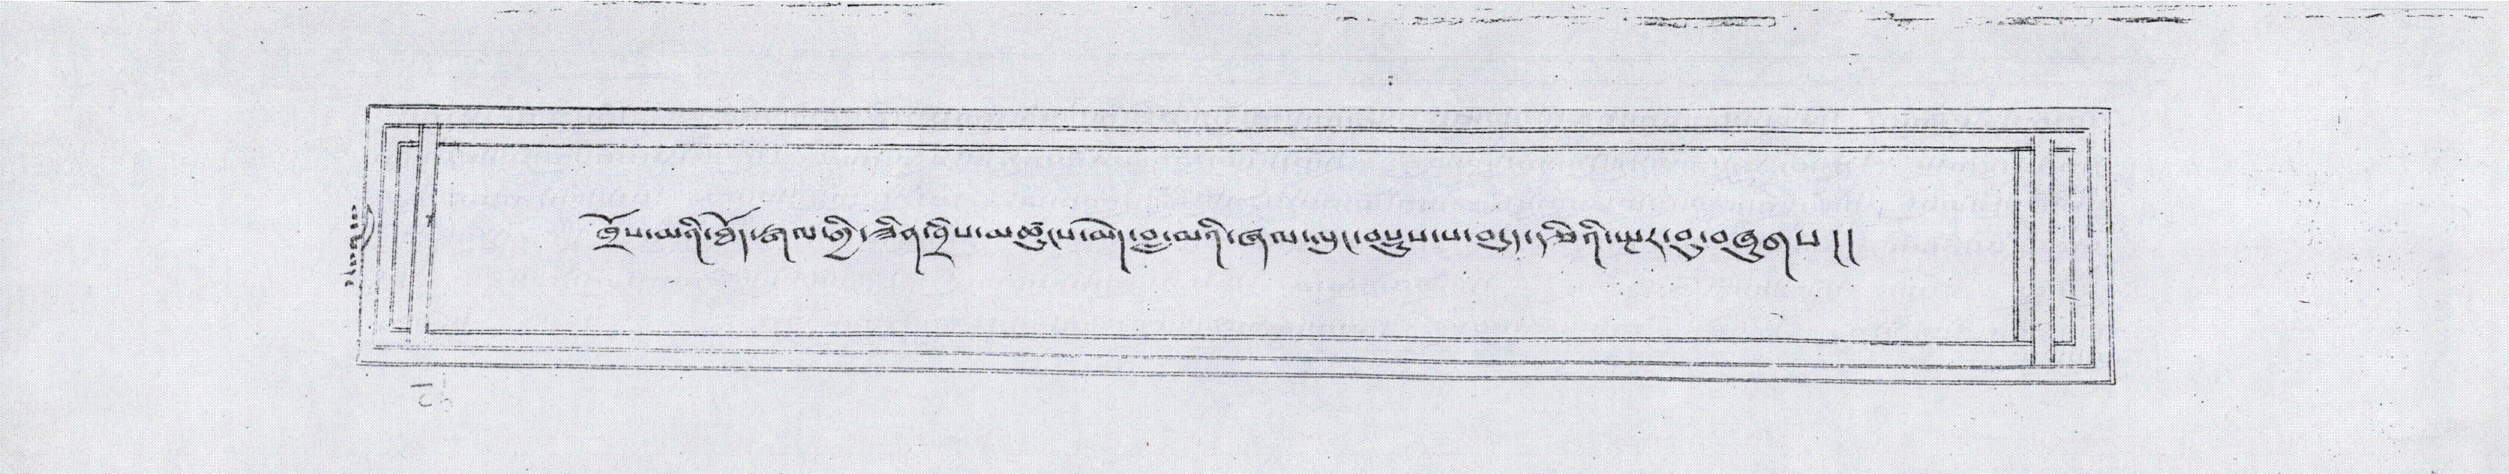ཁྲོས་མའི་ཐོད་རྒལ་གྱི་ཟིན་བྲིས་མཚུངས་མེད་བླ་མའི་ཞལ་ལུང་བསྡུས་པ་བདུད་རྩིའི་སྤར་བུ་བཞུགས།།